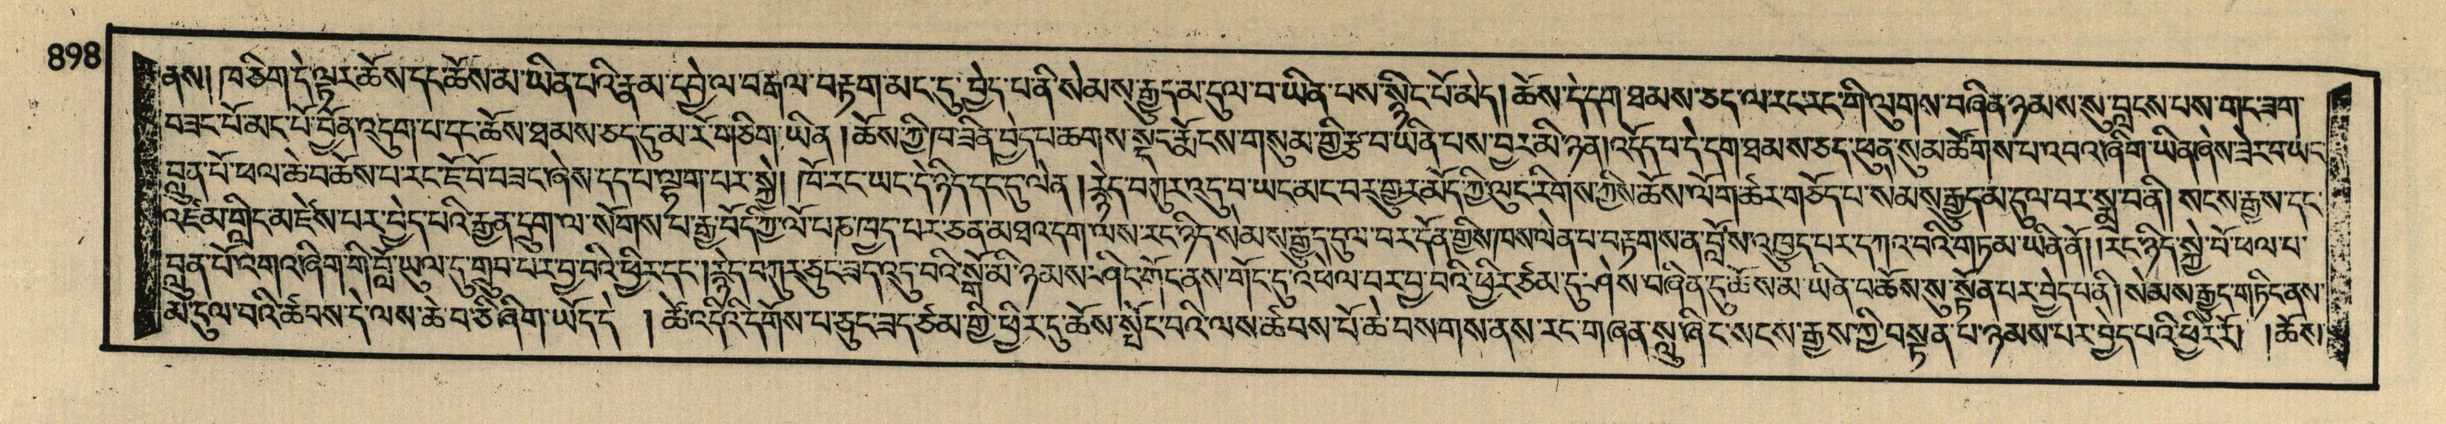ནས། ཁ་ཅིག་དེ་ལྟར་ཆོས་དང་ཆོས་མ་ཡིན་པའི་རྣམ་དབྱེ་ལ་བརྒལ་བརྟག་མང་དུ་བྱེད་པ་ནི་སེམས་རྒྱུད་མ་དུལ་བ་ཡིན་པས་སྙིང་པོ་མེད། ཆོས་དེ་དག་ཐམས་ཅད་ལ་རང་རང་གི་ལུགས་བཞིན་ཉམས་སུ་བླངས་པས་གང་ཟག་
བཟང་པོ་མང་པོ་བྱོན་འདུག་པ་དང་ཆོས་ཐམས་ཅད་དུ་མ་རོ་གཅིག་ཡིན་།ཆོས་ཀྱི་ཁ་ཟིན་བྱེད་པ་ཆགས་སྡང་རྨོངས་གསུམ་གྱི་རྩ་བ་ཡིན་པས་བྱར་མི་ཉན། འདོད་པ་དེ་དག་ཐམས་ཅད་ཕུན་སུམ་ཚོགས་པ་འབའ་ཞིག་ཡིན་ཞེས་ཟེར་བ་ཡང་
བླུན་པོ་ཕལ་ཆེ་བ་ཆོས་པ་རང་ཇོ་བོ་བཟང་ཞེས་དད་པ་ལྷག་པར་སྐྱེ། ཁོ་རང་ཡང་དེ་ཉིད་དང་དུ་ལེན་།རྙེད་བཀུར་འདུ་བ་ཡང་མང་བར་གྱུར་མོད་ཀྱི་ལུང་རིགས་ཀྱིས་ཆོས་ལོག་ཚར་གཅོད་པ་སེམས་རྒྱུད་མ་དུལ་བར་སྨྲ་བ་ནི། སངས་རྒྱས་དང་
འཛམ་གླིང་མཛེས་པར་བྱེད་པའི་རྒྱན་དྲུག་ལ་སོགས་པ་རྒྱ་བོད་ཀྱི་ལོ་པཎ་ཁྱད་པར་ཅན་མཐའ་དག་ལས་རང་ཉིད་སེམས་རྒྱུད་དུལ་བར་དོན་གྱིས་ཁས་ལེན་པ་བརྟགས་ན་བློས་འཁྱུད་པར་དཀའ་བའི་གཏམ་ཡིན་ནོ། །རང་ཉིད་སྐྱེ་བོ་ཕལ་པ་
བླུན་པོ་འགའ་ཞིག་གི་བློ་ཡུལ་དུ་གྲུབ་པར་བྱ་བའི་ཕྱིར་དང་། རྙེད་བཀུར་ཅུང་ཟད་འདུ་བའི་སྒོ་མི་ཉམས་ཤིང་གོང་ནས་གོང་དུ་འཕེལ་བར་བྱ་བའི་ཕྱིར་ཙམ་དུ་ཤེས་བཞིན་དུ་ཆོས་མ་ཡིན་པ་ཆོས་སུ་སྟོན་པར་བྱེད་པ་ནི། སེམས་རྒྱུད་གཏིང་ནས་
མ་དུལ་བའི་ཚབས་དེ་ལས་ཆེ་བ་ཅི་ཞིག་ཡོད་དེ་།ཚེ་འདིའི་དགོས་པ་ཅུང་ཟད་ཙམ་གྱི་ཕྱིར་དུ་ཆོས་སྤོང་བའི་ལས་ཚབས་པོ་ཆེ་བསགས་ནས་རང་གཞན་སླུ་ཞིང་སངས་རྒྱས་ཀྱི་བསྟན་པ་ཉམས་པར་བྱེད་པའི་ཕྱིར་རོ། །ཆོས་